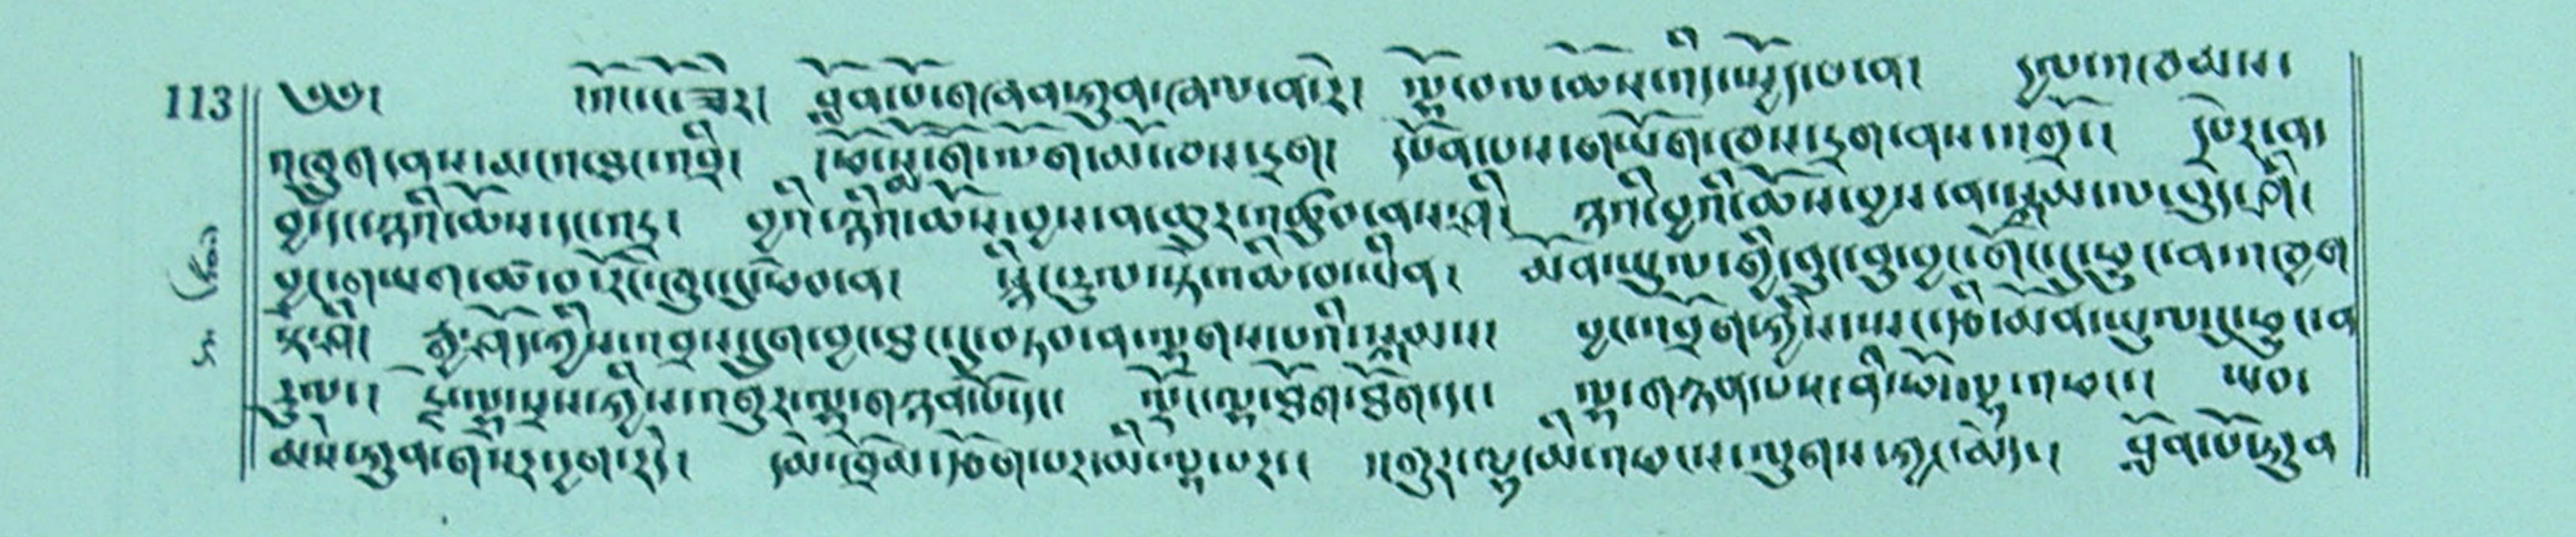༄༅། །འོང་ངོ་ཟེར། བློན་པོ་གཞན་ཀུན་ཞལ་ན་རེ། ལྷོ་བལ་ཆོས་འདི་སྤྱོད་པ་ན། རྒྱལ་ཁམས་
འཁྲུགས་ནས་མངའ་ཐང་འབྲི། ཕོ་སྨོ་གོ་ལོག་མོ་ཁས་དྲག དཔོན་པས་གཡོག་ཁས་དྲག་ནས་འགྲོ། དཔེར་ན་
བྱ་དང་ཉའི་ཆོས་དང་འདྲ། བྱ་ཡིས་ཉའི་ཆོས་བྱས་ན་ཆུར་འཚུབས་ནས་ཤི། ཉ་ཡིས་བྱའི་ཆོས་བྱས་ན་སྐམ་ལ་བུད་ཤིང་། 
བྱང་གཡག་ཚ་བ་རོང་ཁུང་དུ་ཕེབ་ན། སྙིང་རུལ་ཏེ་འཆི་བ་ཡིན། མོན་ཡུལ་གྱི་བུང་བུ་བྱང་གོང་ཕྱུང་ན་འཁྱག་
སྟེ་ཤི རྒྱ་ཤོད་ཀྱི་འབྲས་དྲུག་བྱང་ཐང་དུ་བཏབ་ན་ལྷགས་པའི་སྐམས། བྱང་འབྲོག་གིས་སྤང་རྩི་མོན་ཡུལ་དུ་ཕྱུང་ན་
རུལ། རྗེ་ལྷ་སྲས་ཀྱིས་མགུར་ལྷ་གཉན་པོ་དང་། ལྡོང་ལྷ་ཐོག་ཐོག་དང་། ལྷ་གཉན་པས་ནི་ཕོ་ལྷ་འཕངས། ཡབ་
མེས་ཀུན་གསེར་རྒྱག་རེད། དམེ་ཁྲོམ་རྩོག་པར་མི་ལྟ་བར། མགུར་ལྷ་མི་འཕངས་ལུགས་ཀྱང་མེད། བློན་པོ་ཀུན་